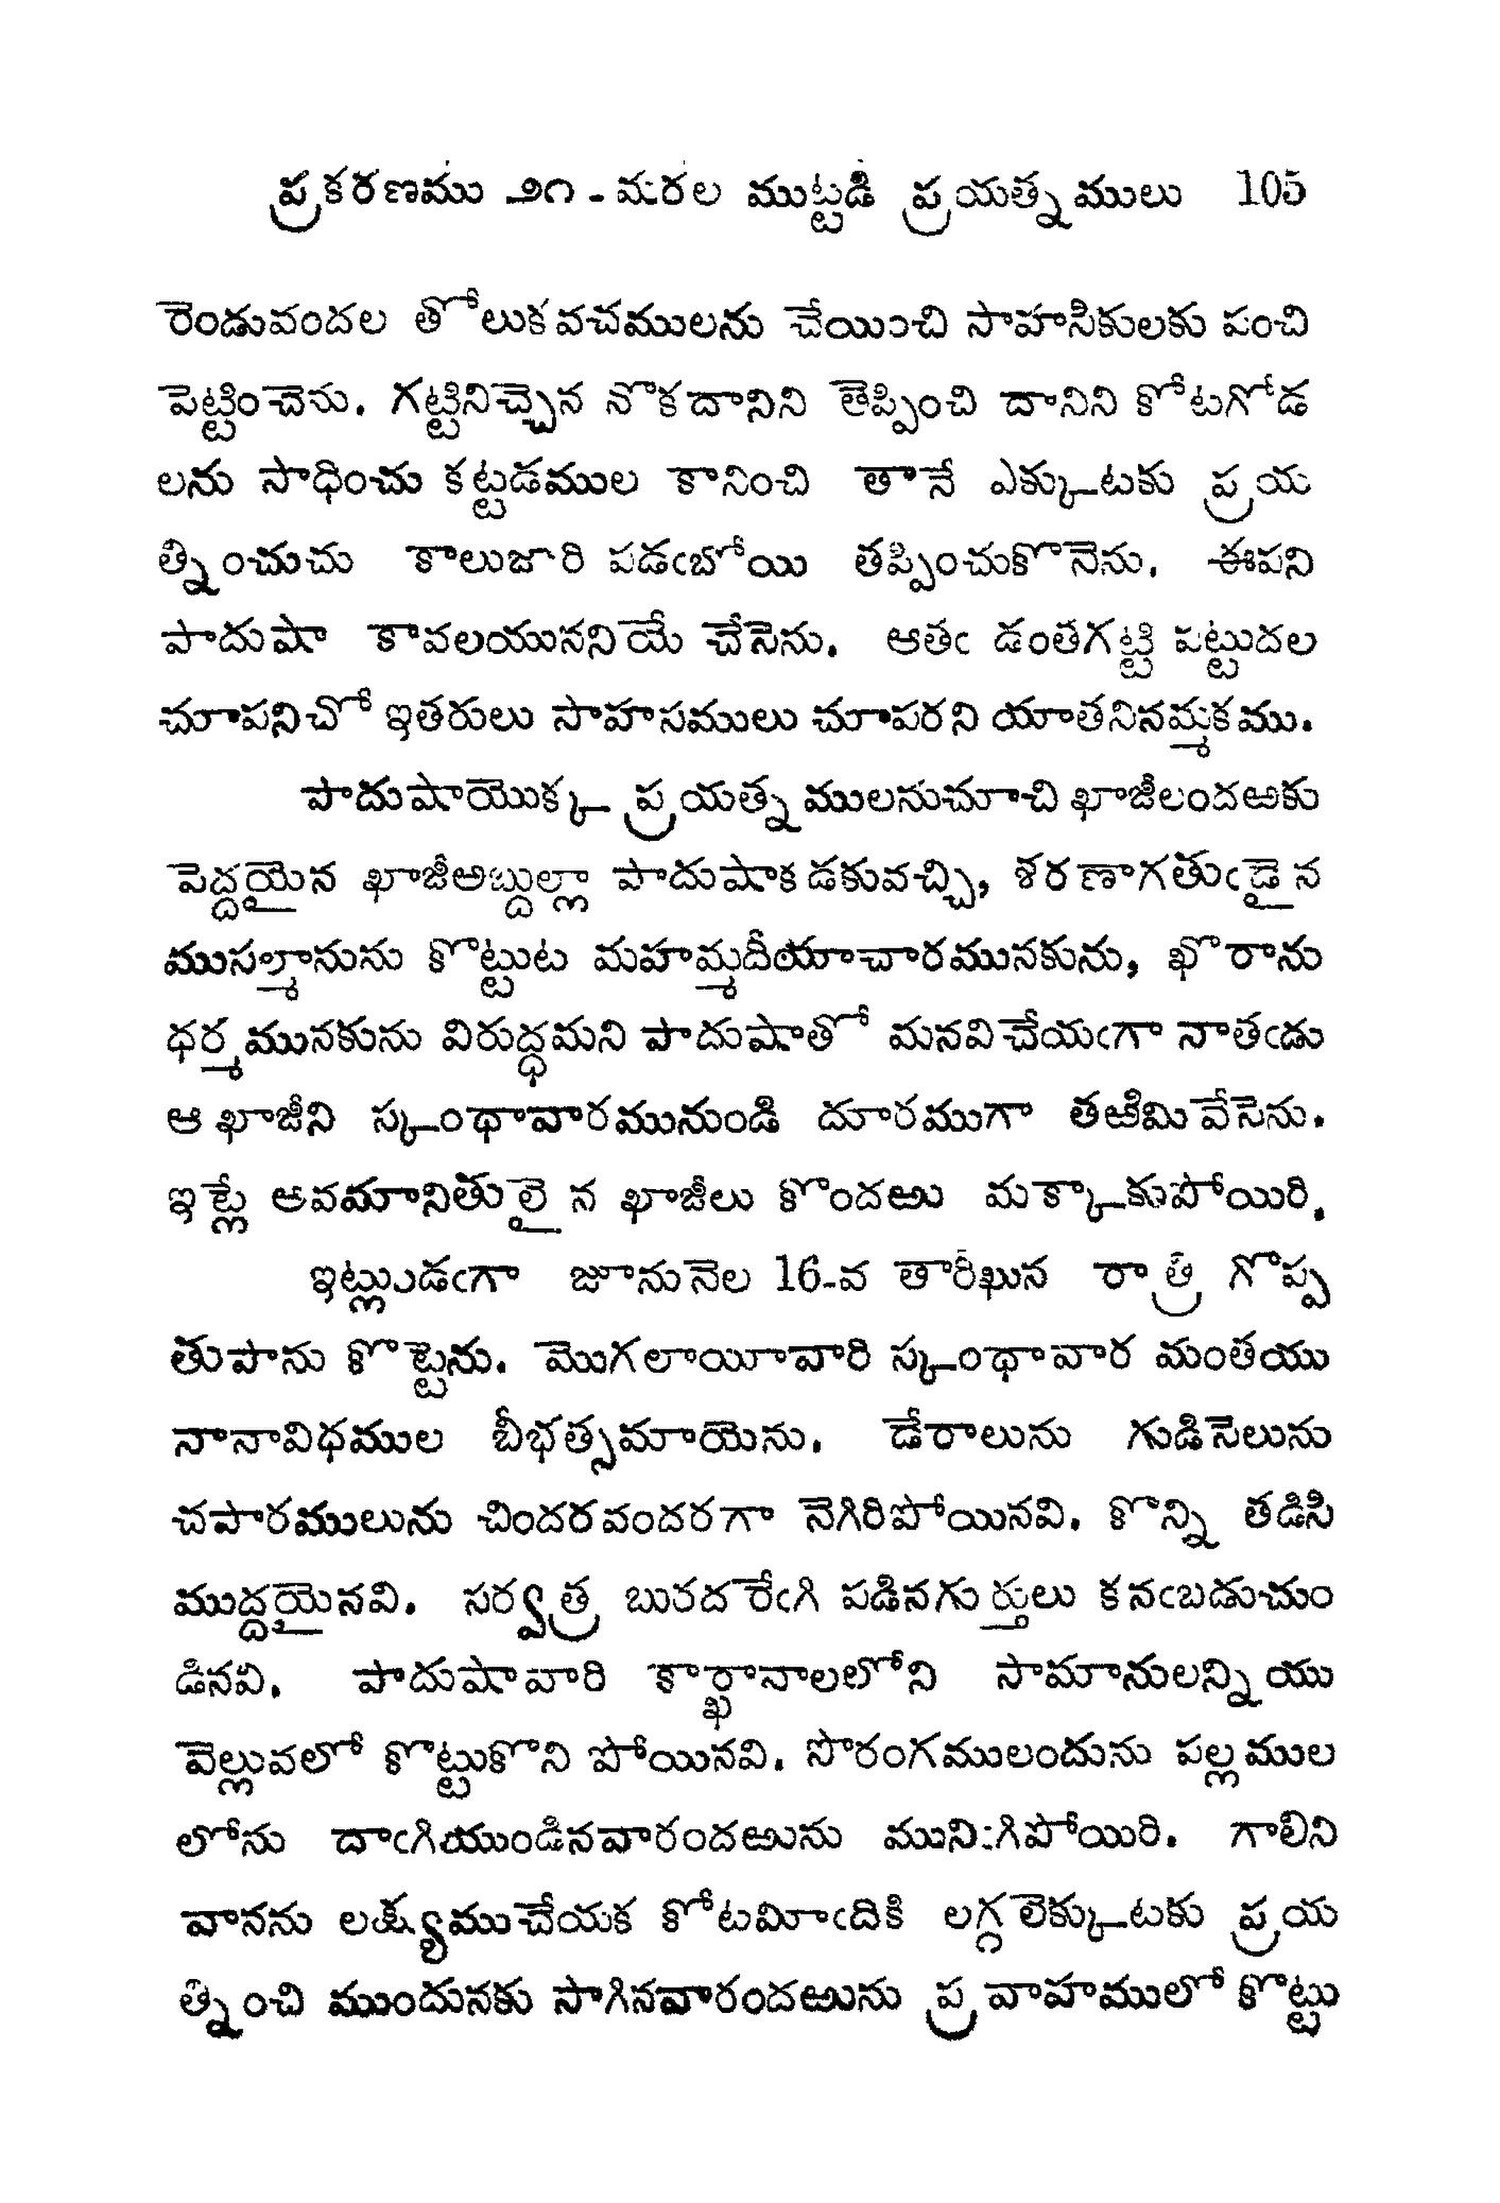రెండువందల తోలుకవచములను చేయించి సాహసికులకు పంచి పెట్టించెను. గట్టినిచ్చెన నొకదానిని తెప్పించి దానిని కోటగోడలను సాధించు కట్టడముల కానించి తానే ఎక్కుటకు ప్రయత్నించుచు కాలుజారి పడఁబోయి తప్పించుకొనెను. ఈపని పాదుషా కావలయుననియే చేసెను. ఆతఁ డంతగట్టి పట్టుదల చూపనిచో ఇతరులు సాహసములు చూపరని యాతనినమ్మకము.

పాదుషాయొక్క ప్రయత్నములనుచూచి ఖాజీలందఱకు పెద్దయైన ఖాజీఅబ్దుల్లా పాదుషాకడకువచ్చి, శరణాగతుఁడైన ముసల్మానును కొట్టుట మహమ్మదీయాచారమునకును, ఖొరాను ధర్మమునకును విరుద్ధమని పాదుషాతో మనవిచేయఁగా నాతఁడు ఆ ఖాజీని స్కంధావారమునుండి దూరముగా తఱిమివేసెను. ఇట్లే అవమానితులైన ఖాజీలు కొందఱు మక్కాకుపోయిరి.

ఇట్లుండఁగా జూనునెల 16-వ తారీఖున రాత్రి గొప్ప తుపాను కొట్టెను. మొగలాయీవారి స్కంధావార మంతయు నానావిధముల బీభత్సమాయెను, డేరాలును గుడిసెలును చపారములును చిందరవందరగా నెగిరిపోయినవి. కొన్ని తడిసి ముద్దయైనవి. సర్వత్ర బురదరేఁగి పడినగుర్తులు కనఁబడుచుండినవి. పాదుషా వారి కార్ఖానాలలోని సామానులన్నియు వెల్లువలో కొట్టుకొని పోయినవి. సొరంగములందును పల్లములలోను దాఁగియుండినవారందఱును మునిఁగిపోయిరి, గాలిని వానను లక్ష్యముచేయక కోటమీఁదికి లగ్గలెక్కుటకు ప్రయత్నించి ముందునకు సాగినవారందఱును ప్రవాహములో కొట్టు